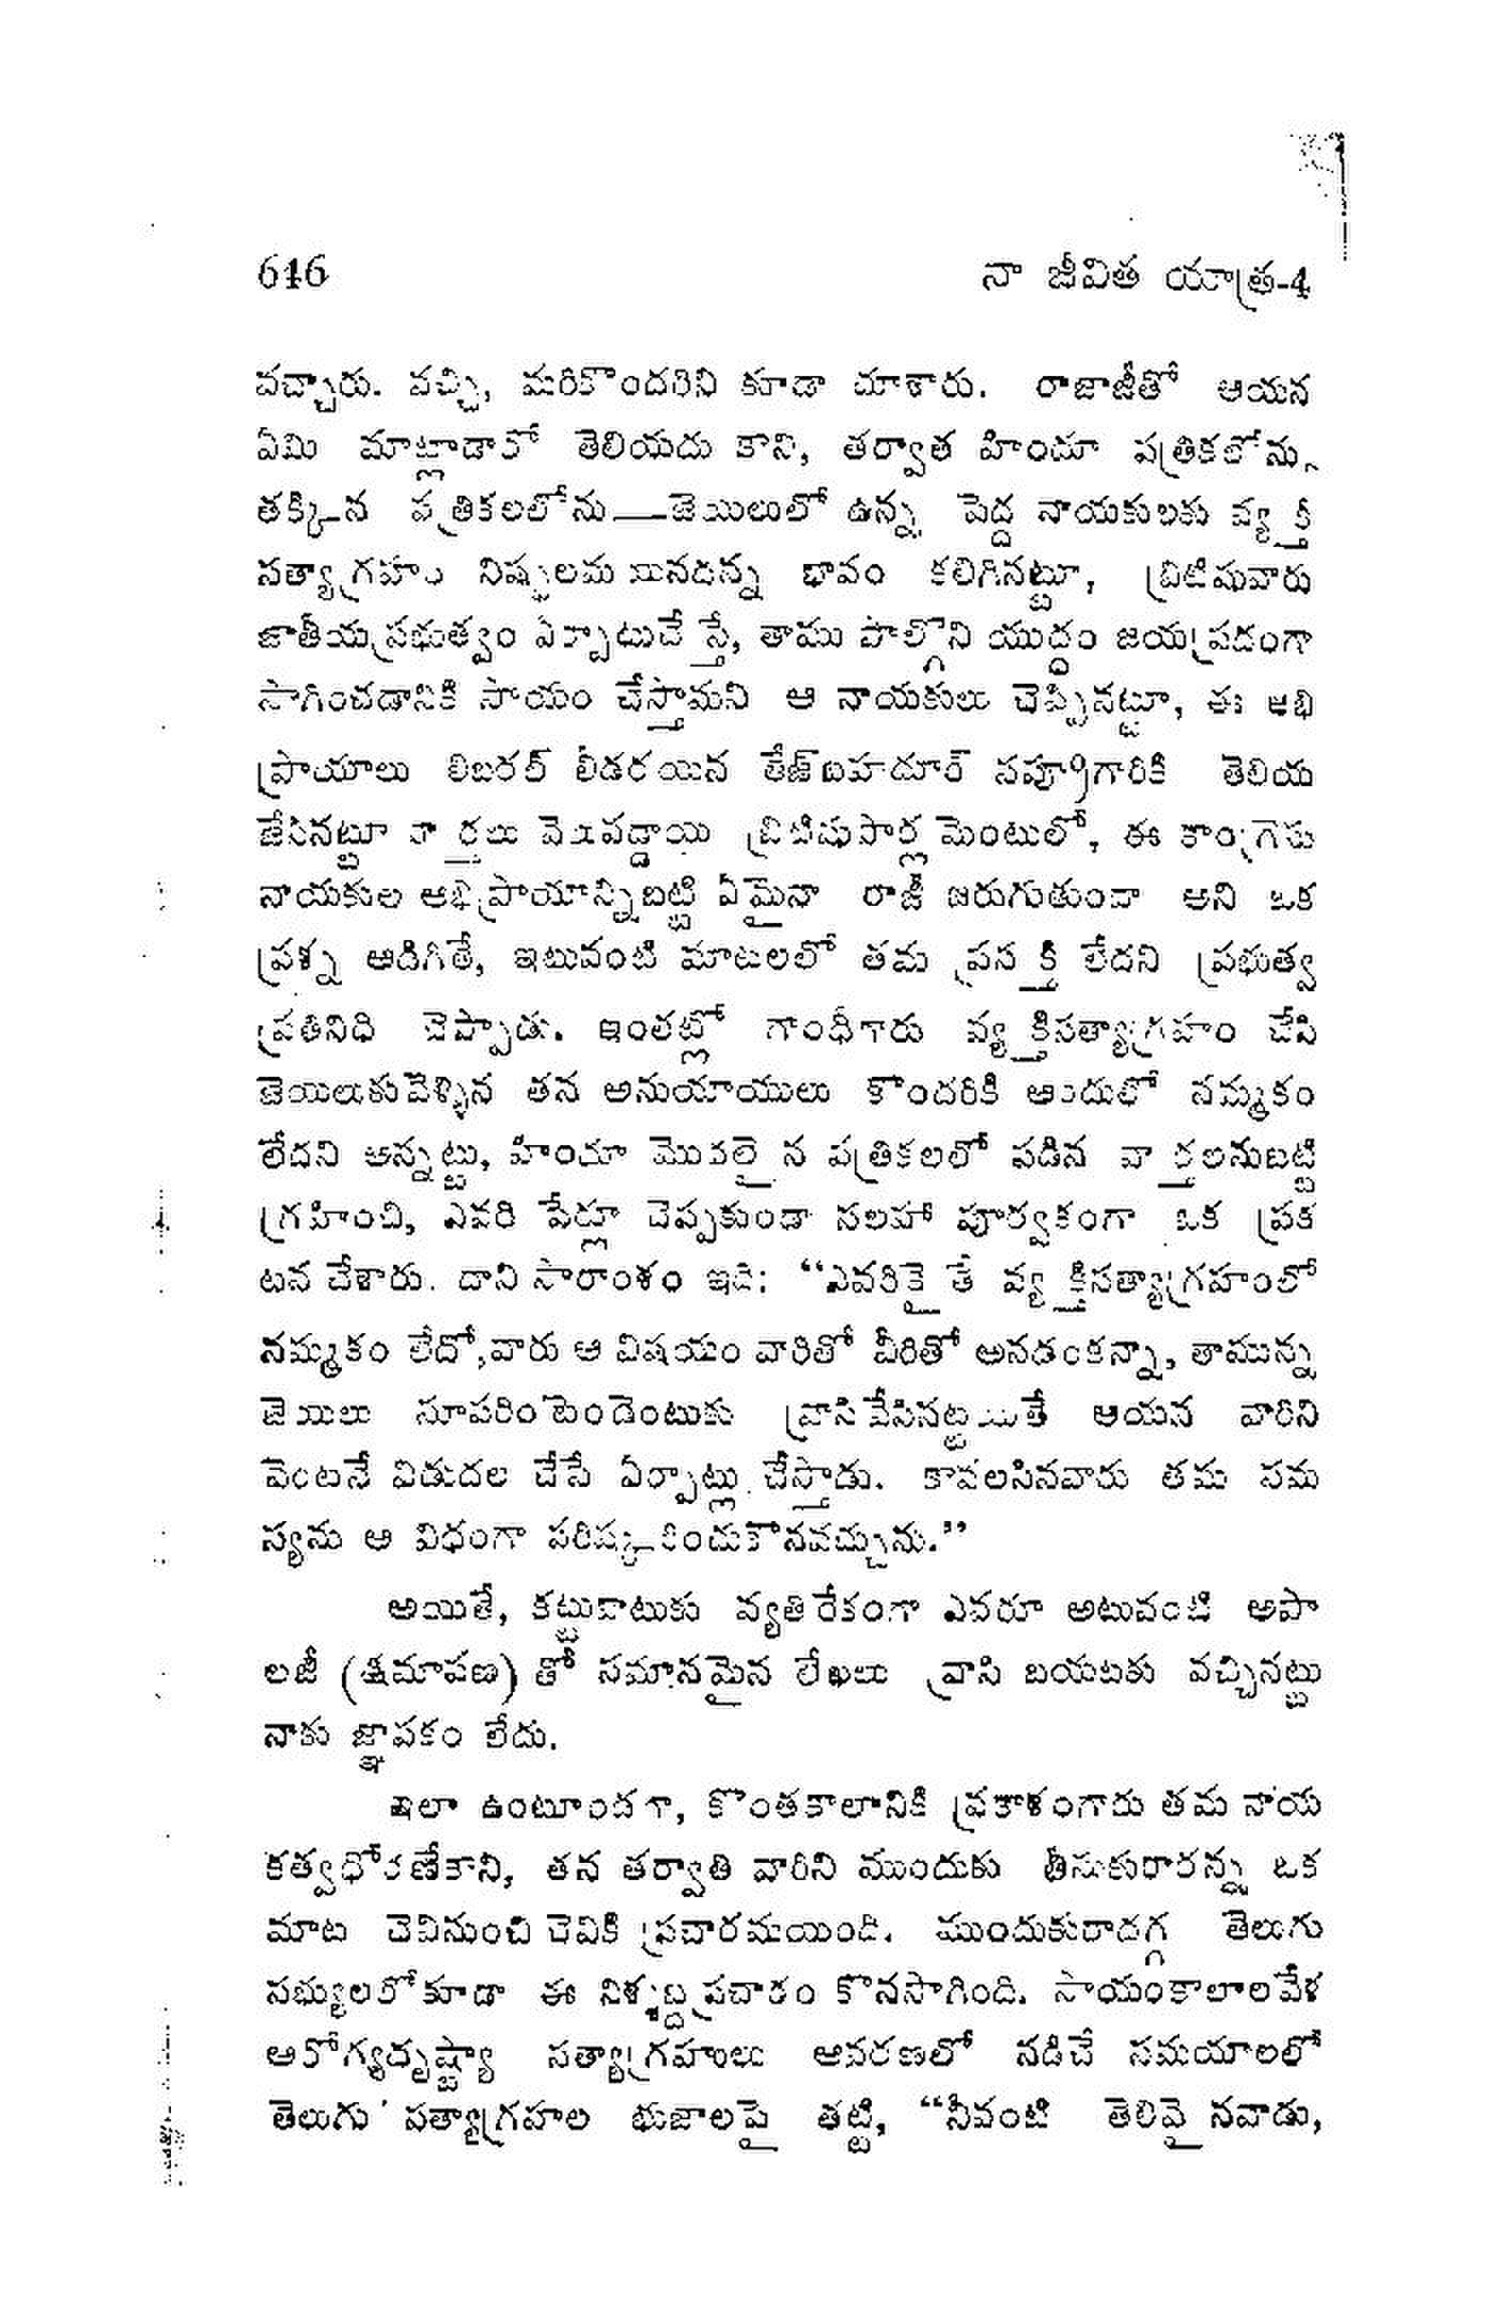వచ్చారు. వచ్చి, మరికొందరిని కూడా చూశారు. రాజాజీతో ఆయన ఏమి మాట్లాడారో తెలియదు కాని, తర్వాత హిందూ పత్రికలోను, తక్కిన పత్రికలలోను - జెయిలులో ఉన్న పెద్ద నాయకులకు వ్యక్తి సత్యాగ్రహం నిష్ఫలమయినదన్న భావం కలిగినట్టూ, బ్రిటిషువారు జాతీయప్రభుత్వం ఏర్పాటుచేస్తే, తాము పాల్గొని యుద్ధం జయప్రదంగా సాగించడానికి సాయం చేస్తామని ఆ నాయకులు చెప్పినట్టూ, ఈ అభిప్రాయాలు లిబరల్ లీడరయిన తేజ్‌బహదూర్ సప్రూగారికి తెలియ జేసినట్టూ వార్తలు వెలువడ్డాయి. బ్రిటిషుపార్ల మెంటులో, ఈ కాంగ్రెసు నాయకుల అభిప్రాయాన్నిబట్టి ఏమైనా రాజీ జరుగుతుందా అని ఒక ప్రశ్న అడిగితే, ఇటువంటి మాటలలో తమ ప్రసక్తి లేదని ప్రభుత్వ ప్రతినిధి చెప్పాడు. ఇంతట్లో గాంధీగారు వ్యక్తి సత్యాగ్రహం చేసి జెయిలుకువెళ్ళిన తన అనుయాయులు కొందరికి అందులో నమ్మకం లేదని అన్నట్టు, హిందూ మొదలైన పత్రికలలో పడిన వార్తలనుబట్టి గ్రహించి, ఎవరి పేర్లూ చెప్పకుండా సలహా పూర్వకంగా ఒక ప్రకటన చేశారు. దాని సారాంశం ఇది: "ఎవరికైతే వ్యక్తిసత్యాగ్రహంలో నమ్మకం లేదో, వారు ఆ విషయం వారితో వీరితో అనడంకన్నా, తామున్న జెయిలు సూపరింటెండెంటుకు వ్రాసివేసి నట్టయితే ఆయన వారిని వెంటనే విడుదల చేసే ఏర్పాట్లు చేస్తాడు. కావలసినవారు తమ సమస్యను ఆ విధంగా పరిష్కరించుకొనవచ్చును."

అయితే, కట్టుబాటుకు వ్యతిరేకంగా ఎవరూ అటువంటి అపాలజీ (క్షమాపణ) తో సమానమైన లేఖలు వ్రాసి బయటకు వచ్చినట్టు నాకు జ్ఞాపకం లేదు.

ఇలా ఉంటూండగా, కొంతకాలానికి ప్రకాశంగారు తమ నాయకత్వధోరణేకాని, తన తర్వాత వారిని ముందుకు తీసుకురారన్న ఒకమాట చెవినుంచి చెవికి ప్రచారమయింది. ముందుకు రాదగ్గ తెలుగు సభ్యులలోకూడా ఈ నిశ్శబ్దప్రచారం కొనసాగింది. సాయంకాలాల వేళ ఆరోగ్యదృష్ట్యా సత్యాగ్రహులు ఆవరణలో నడిచే సమయాలలో తెలుగు సత్యాగ్రహల భుజాలపై తట్టి, "నీవంటి తెలివైనవాడు,